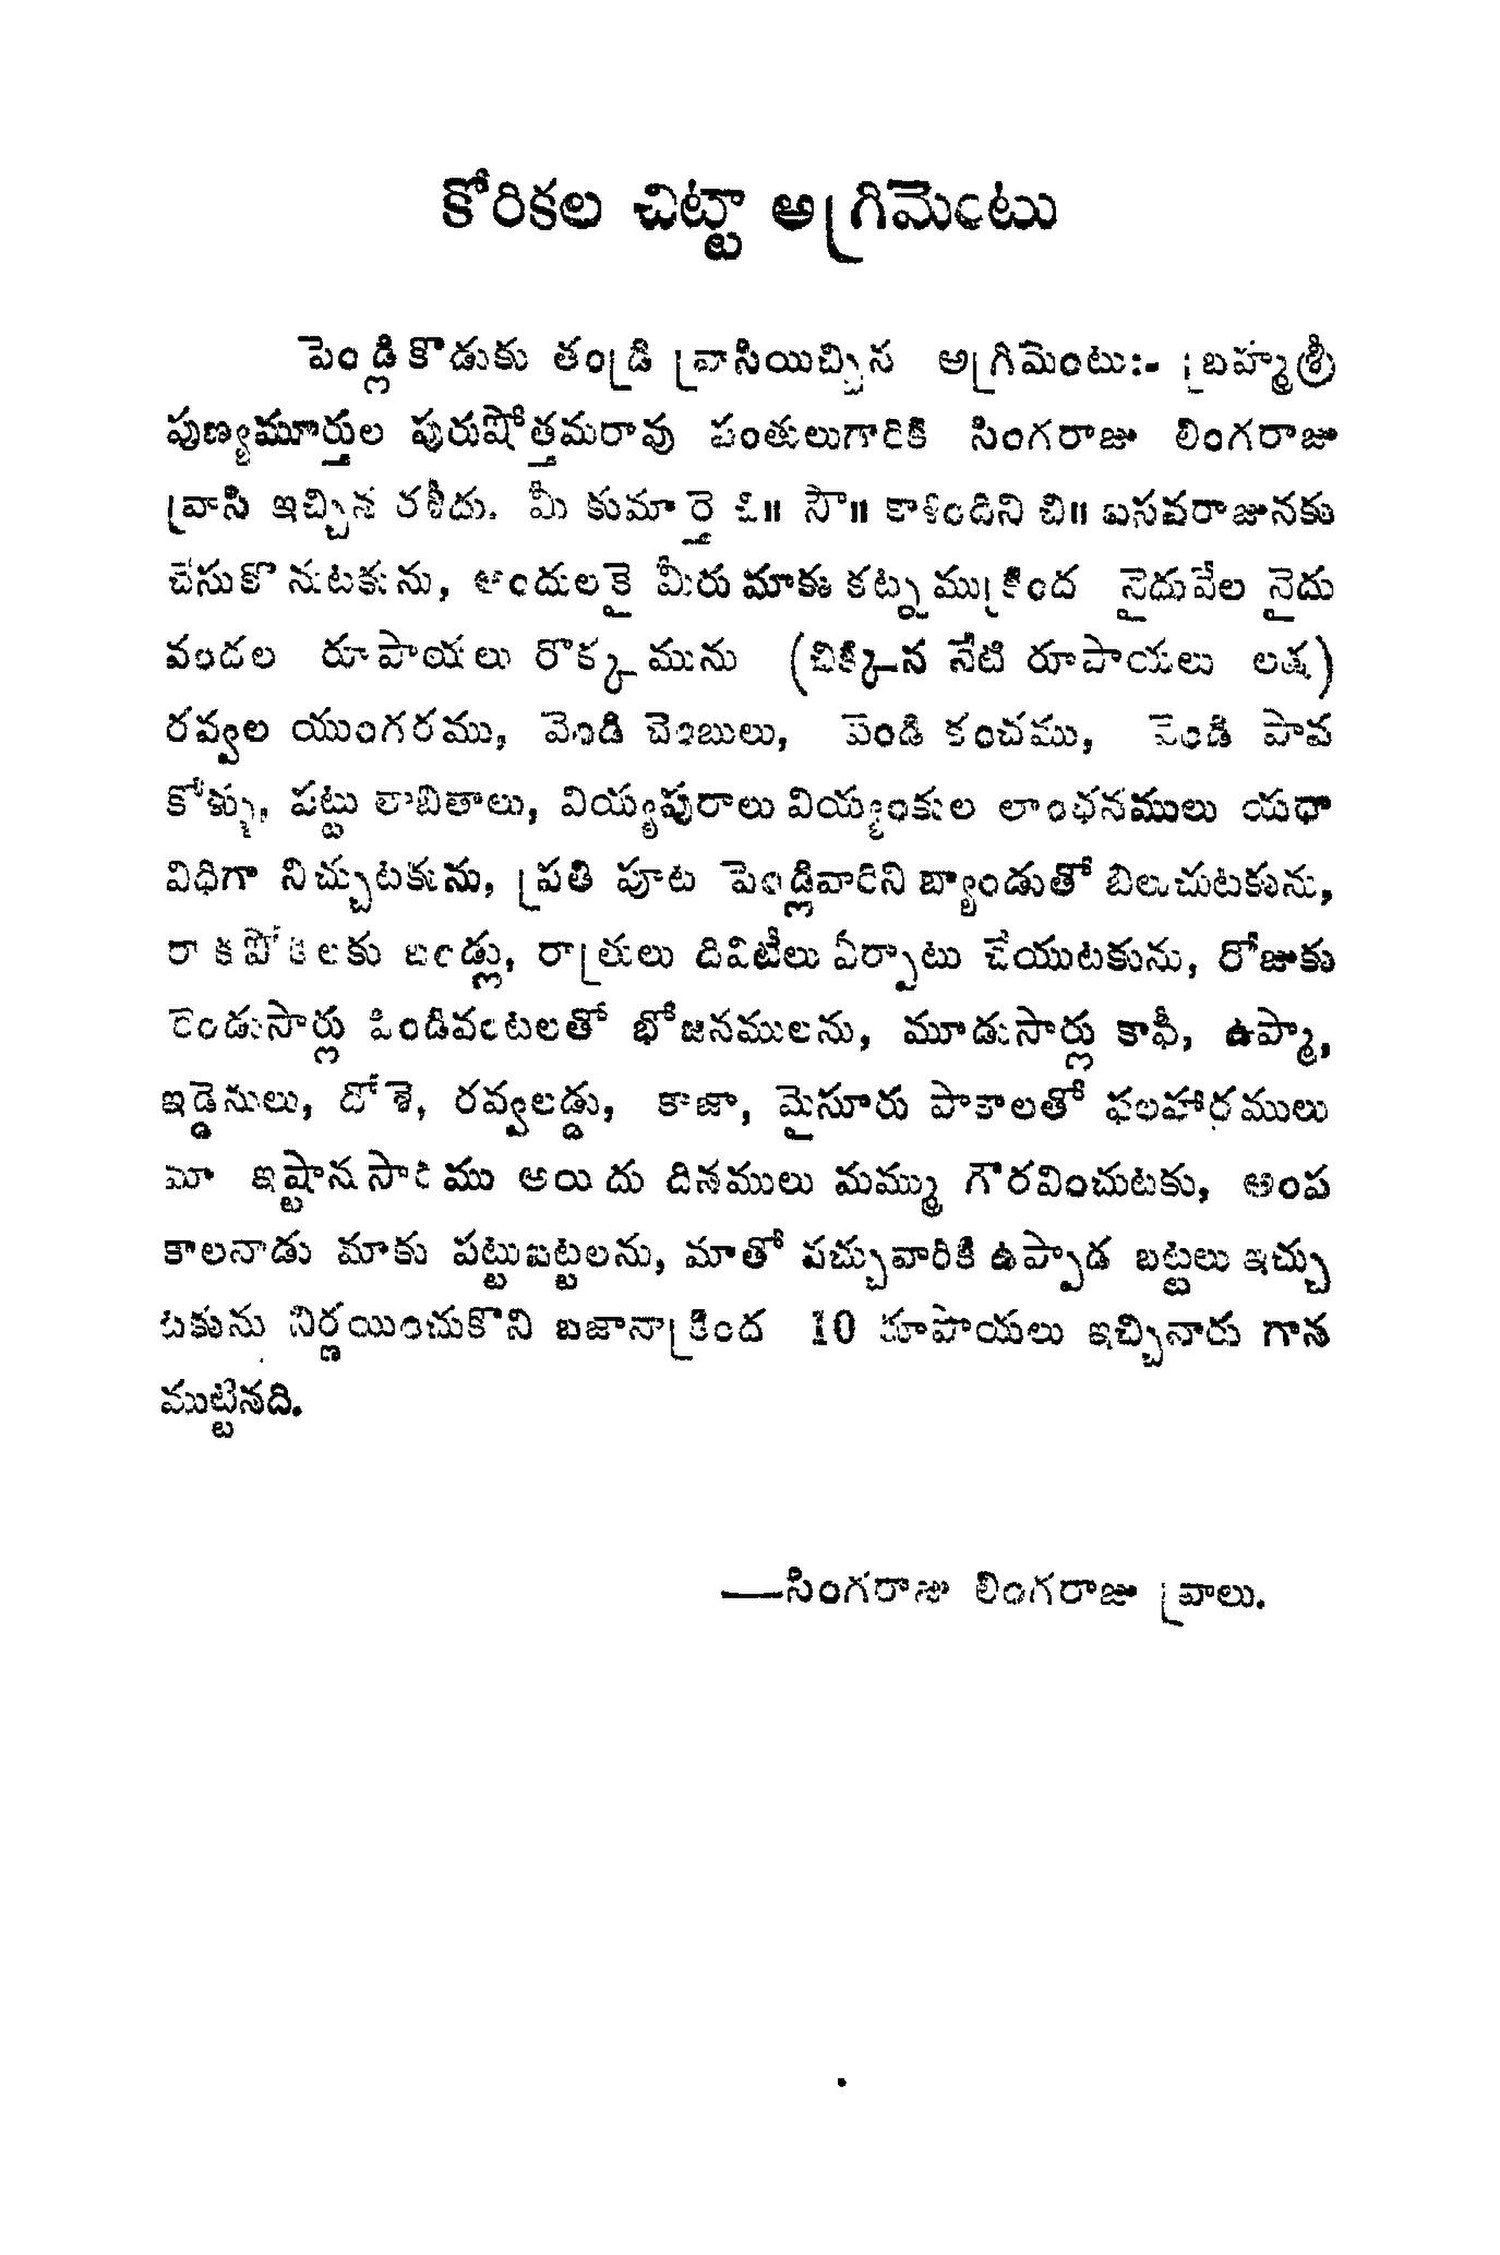కోరికల చిట్టా అగ్రిమెంటు

పెండ్లికొడుకు తండ్రి వ్రాసియిచ్చిన అగ్రిమెంటు:- బ్రహ్మశ్రీ పుణ్యమూర్తుల పురుషోత్తమరావు పంతులుగారికి సింగరాజు లింగరాజు వ్రాసి ఇచ్చిన రశీదు. మీ కుమార్తె చి||సౌ|| కాళిందిని చి|| బసవరాజునకు చేసికొనుటకును అందులకై మీరు మాకు కట్నము క్రింద నైదువేల నైదువందల రూపాయలు రొక్కమును (చిక్కిన నేటి రూపాయలు లక్ష), రవ్వల యుంగరము, వెండి చెంబులు, వెండి కంచము, వెండి పావకోళ్ళు, పట్టు తాబితాలు, వియ్యపురాలు వియ్యంకుల లాంఛనములు యథావిధిగా నిచ్చుటకును, ప్రతి పూట పెండ్లివారిని బ్యాండుతో బిలుచుటకును, రాకపోకలకు బండ్లు, రాత్రులు దివిటీలు ఏర్పాటు చేయుటకును, రోజుకు రెండుసార్లు పిండివంటలతో భోజనములను, మూడుసార్లు కాఫీ, ఉప్మా, ఇడ్డెనులు, దోశె రవ్వలడ్డు, కాజా, మైసూరు పాకాలతో ఫలహారములు మా ఇష్టానుసారము అయిదు దినములు మమ్ము గౌరవించుటకు, అంపకాలనాడు మాకు పట్టుబట్టలను, మాతో వచ్చువారికి ఉప్పాడ బట్టలు ఇచ్చుటకును నిర్ణయించుకొని బజానాక్రింద 10 రూపాయలు ఇచ్చినారు గాన ముట్టినది.